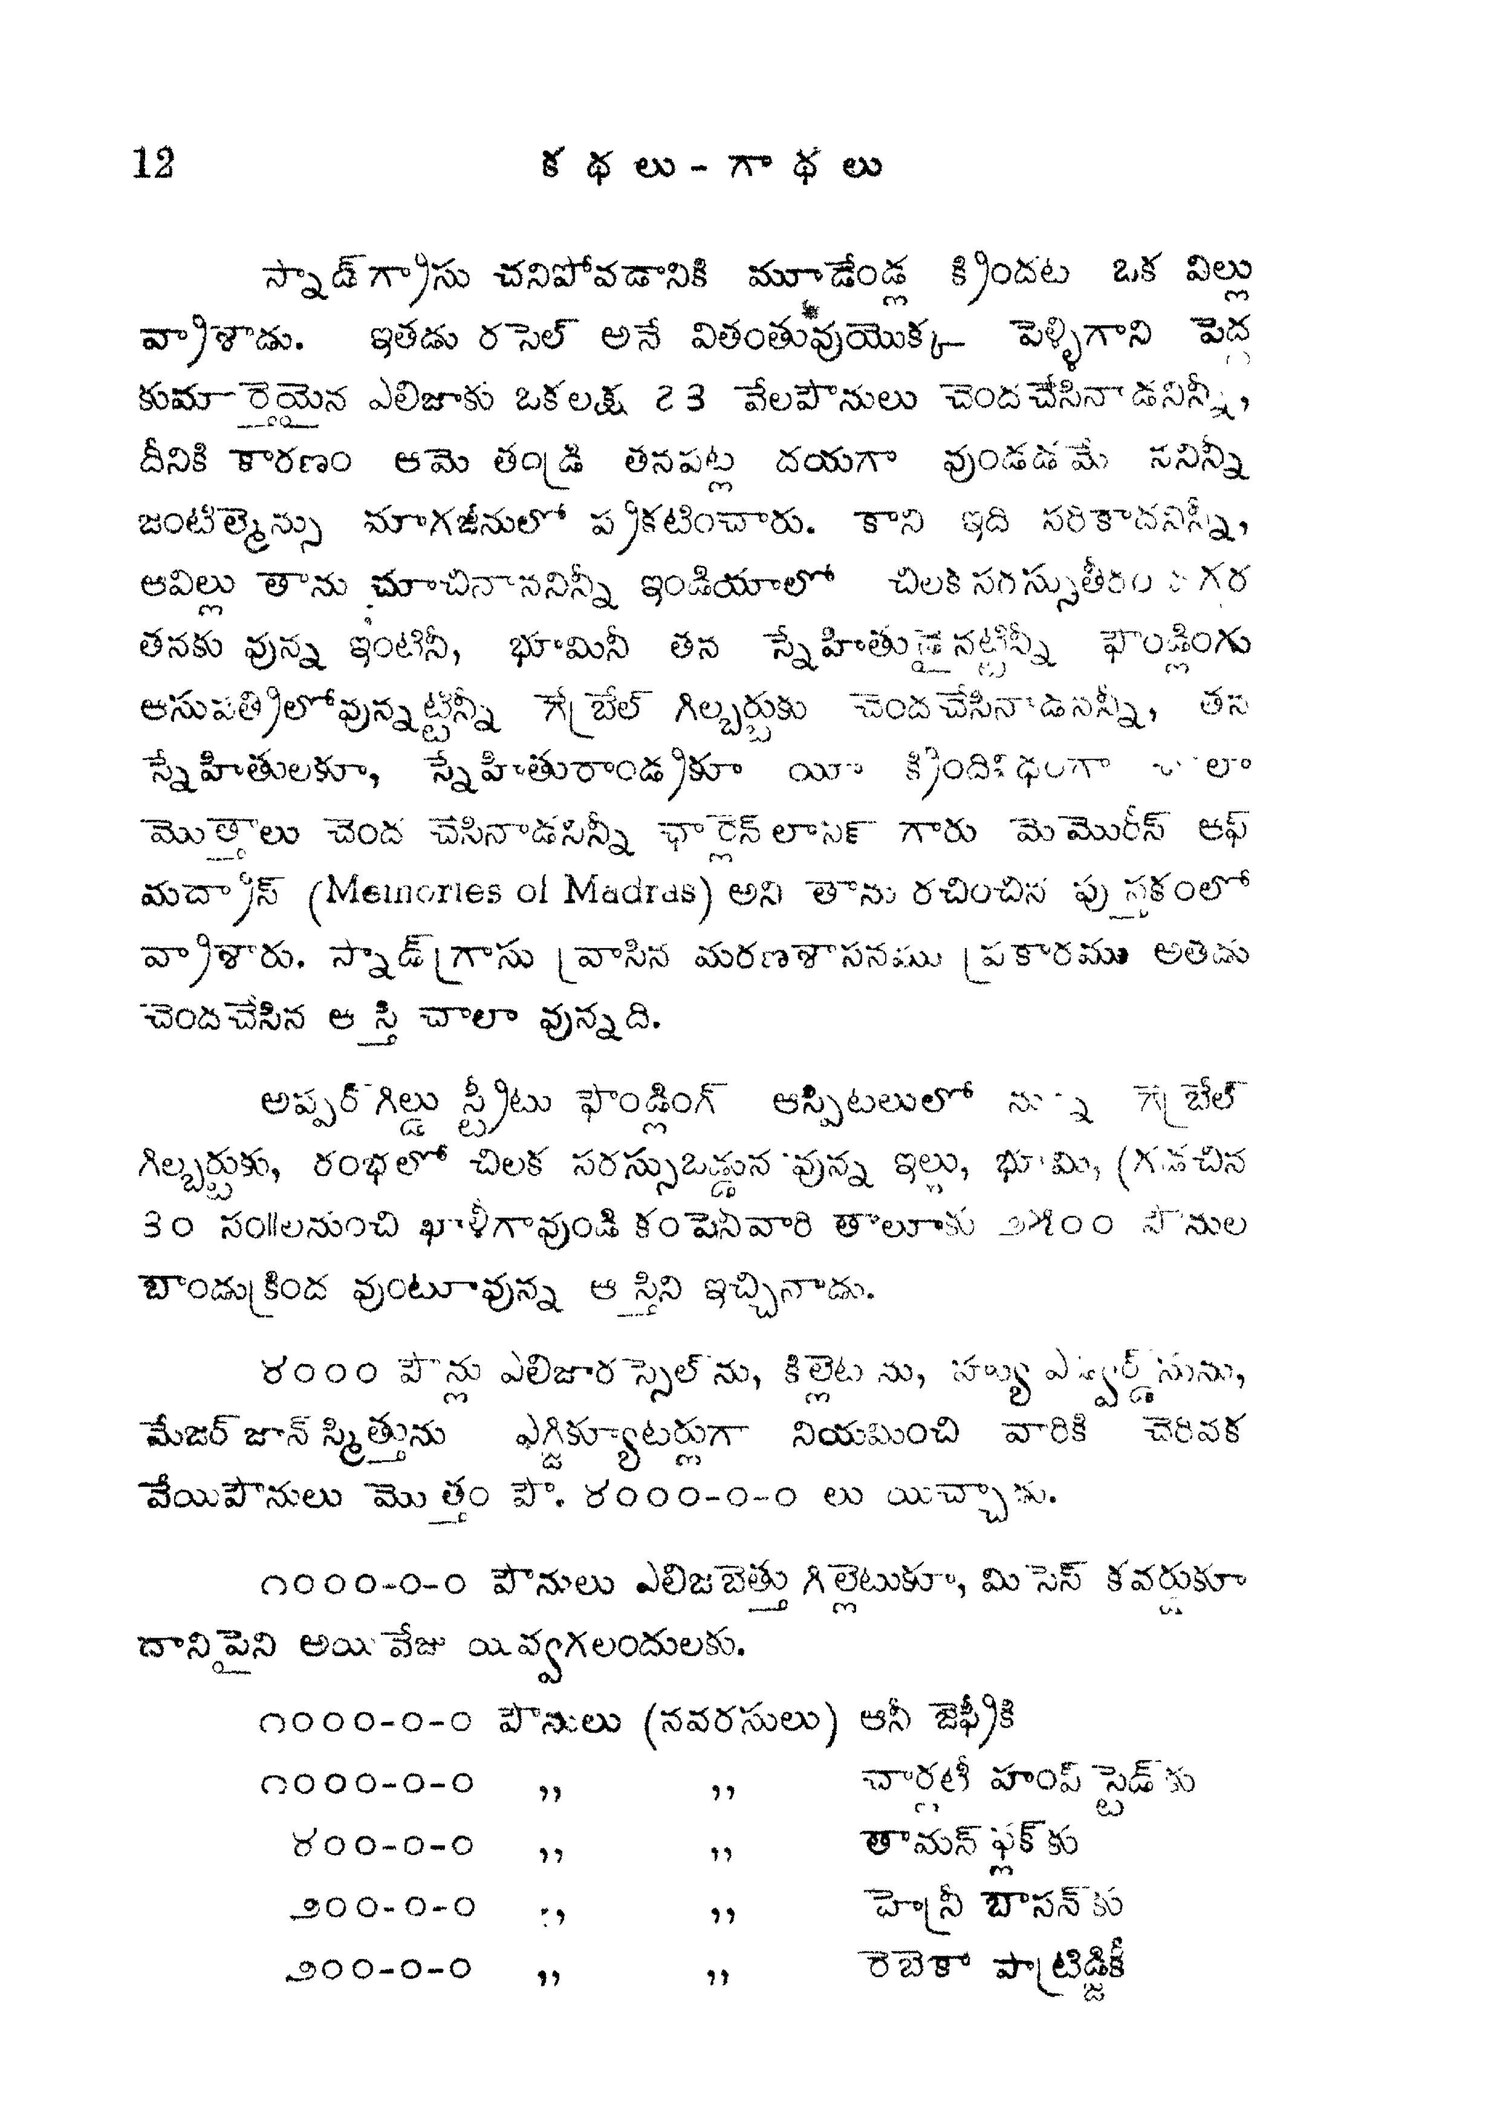స్నాడ్ గ్రాసు చనిపొవడానికి మూడేండ్ల క్రిందట ఒక విల్లు వ్రాశాడు. ఇతడు రసెల్ అనే వితంతువుయొక్క పెళ్ళిగాని పెదకుమార్తెయైన ఎలిజాకు ఒకలక్ష 73 వేలపౌనులు చెందచేసినాడనిన్నీ, దీనికి కరణం ఆమె తండ్రి తనపట్ల దయగా వుండడమే ననిన్నీ జంటిల్మెన్సు మాగజీనులో ప్రకటించారు. కాని ఇది సరి కాదనిన్నీ, ఆవిల్లు తాను చూచినాననిన్నీ ఇండియాలో చిలకసరస్సుతీరంలొ గల తనకున్న ఇంటినీ, భూమినీ తన స్నేహితుడైనట్టిన్నీ ఖాండ్లింగు ఆసుపత్రిలో వున్నట్టిన్నీ గేబ్రేల్ గిల్బర్దుకు చెందచేసినాడనిన్నీ, తన స్నేహితులకూ, స్నేహితు రాండ్రకూ యీ క్రిందివిధంగా ఇలా మొత్తాలు చెంద చేసినాడనిన్నీ చార్లెస్ లాసన్ గారు మెమరీస్ ఆఫ్ మద్రాస్ (Memories of Madras) అని తాను రచించిన పుస్తకంలో వ్రాశారు, స్నాడ్ గ్రాసు వ్రాసిన మరణశాసనము ప్రకారము అతడు చెందచేసిన ఆస్తి చాలా వున్నది.

అప్పర్ గిల్డు స్ట్రీటు ఫౌండ్లింగ్ ఆస్పిటలులో నున్న గేబ్రిల్ గిల్బర్టుకు, రంబలో చిలక సరస్సుఒడ్దున వున్న ఇల్లు, భూమి (గడచిన 30 సం||లనుంచి ఖాళీగావుండి కంపెనీవారి తాలూకు 2500 పౌనుల బాండుక్రింద వుంటూవున్న ఆస్తిని ఇచ్చినారు.

4000 పౌన్లు ఎలిజారస్సెల్ ను, కిల్లెటను, హ్యుఎడ్వర్డ్సును, మేజర్ జాన్ స్మిత్తును ఎగ్జిక్యూటర్లుగా నియమించి వారికి చెరివక వేయిపౌనులు మొత్తం పౌ.4000-0-0 లు యిచ్చాడు.

1000-0-0 పౌనులు ఎలిజబెత్తుగిల్లెటుకూ, మిసెస్ కవర్లుకూ దానిపైని అయివేజు యివ్వగలందులకు.

 1000-0-0 పౌనులు (సవరసులు) అనీ జెఫ్రీకి
 1000-0-0 " " చార్లటీ హంప్ స్టెడ్ కు
 400-0-0 " " తామస్ ఫ్లక్ కు 
 200-0-0 " " హెన్రీ బాసన్ కు
 200-0-0 " : రెబెకా పాట్రిడ్జికీ